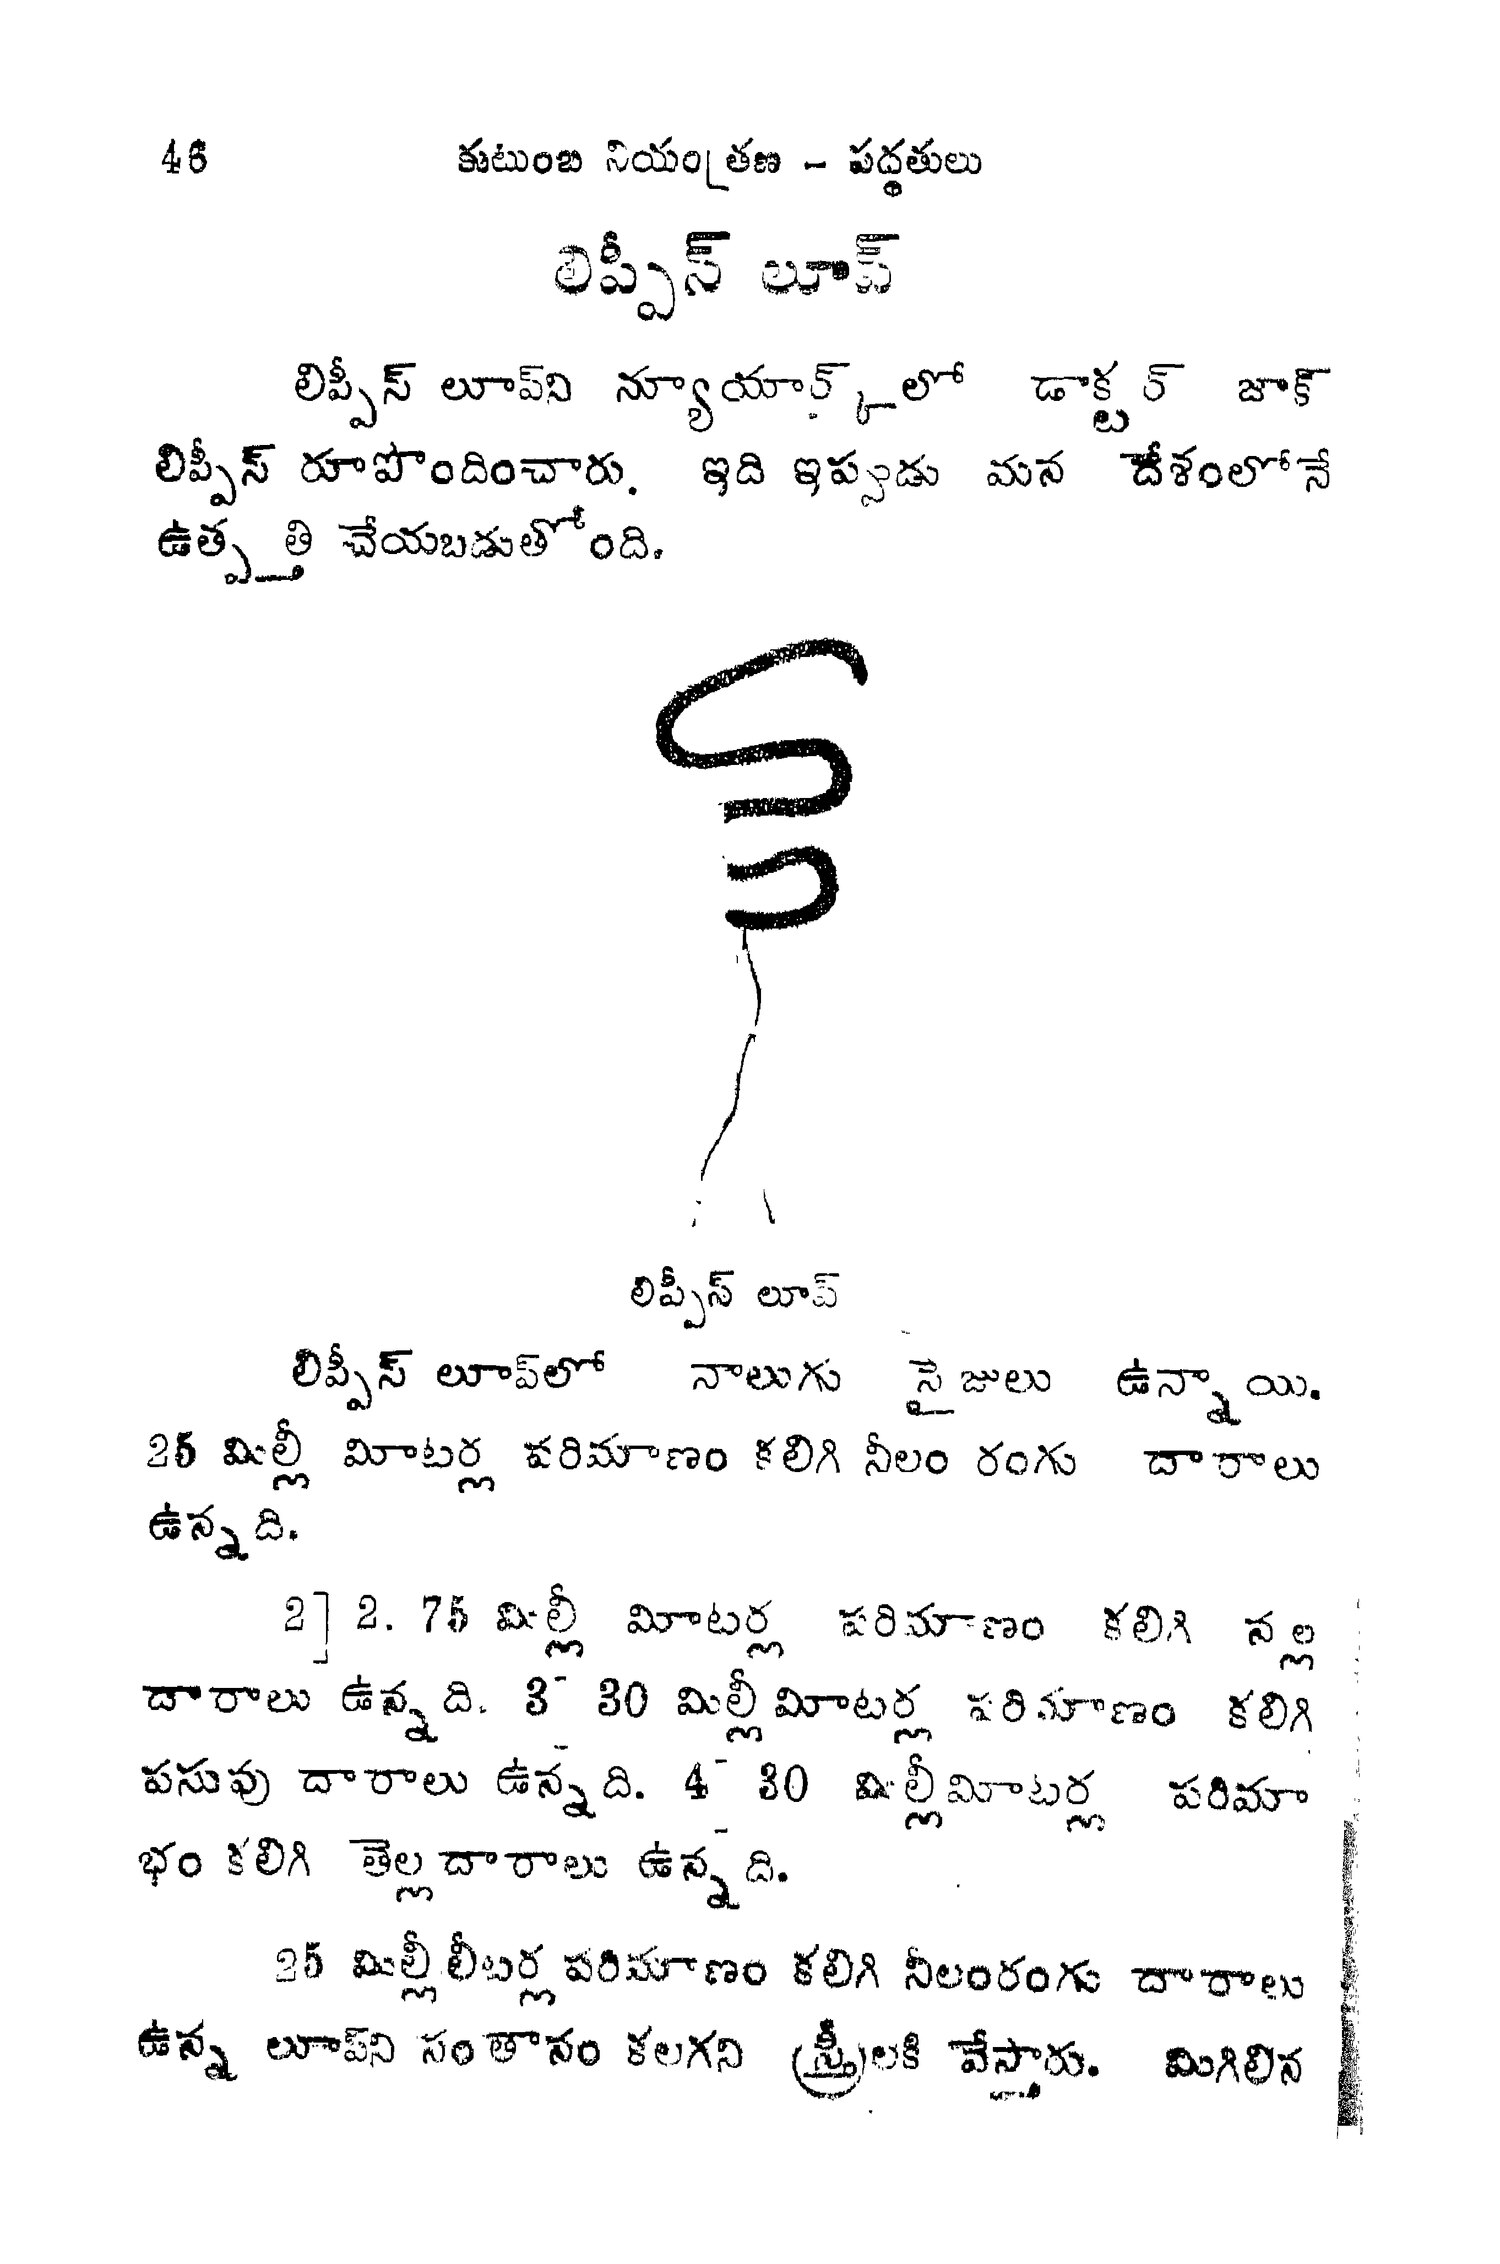లిప్పీస్ లూప్‌ని న్యూయార్క్‌లో డాక్టర్ జాక్ లిప్పీస్ రూపొందించారు. ఇది ఇప్పుడు మన దేశంలోనే ఉత్పత్తి చేయబడుతోంది.

లిప్పీస్ లూప్‌లో నాలుగు సైజులు ఉన్నాయి. 25 మిల్లీ మీటర్ల పరిమాణం కలిగి నీలం రంగు దారాలు ఉన్నది.

2] 2.75 మిల్లీ మీటర్ల పరిమాణం కలిగి నల్లదారాలు ఉన్నది. 3" 30 మిల్లీమీటర్ల పరిమాణం కలిగి పసుపు దారాలు ఉన్నది. 4" 30 మిల్లీమీటర్ల పరిమాణం కలిగి తెల్లదారాలు ఉన్నది.

25 మిల్లీ మీటర్ల పరిమాణం కలిగి నీలం రంగు దారాలు ఉన్న లూప్‌ని సంతానం కలగని స్త్రీలకి వేస్తారు. మిగిలిన